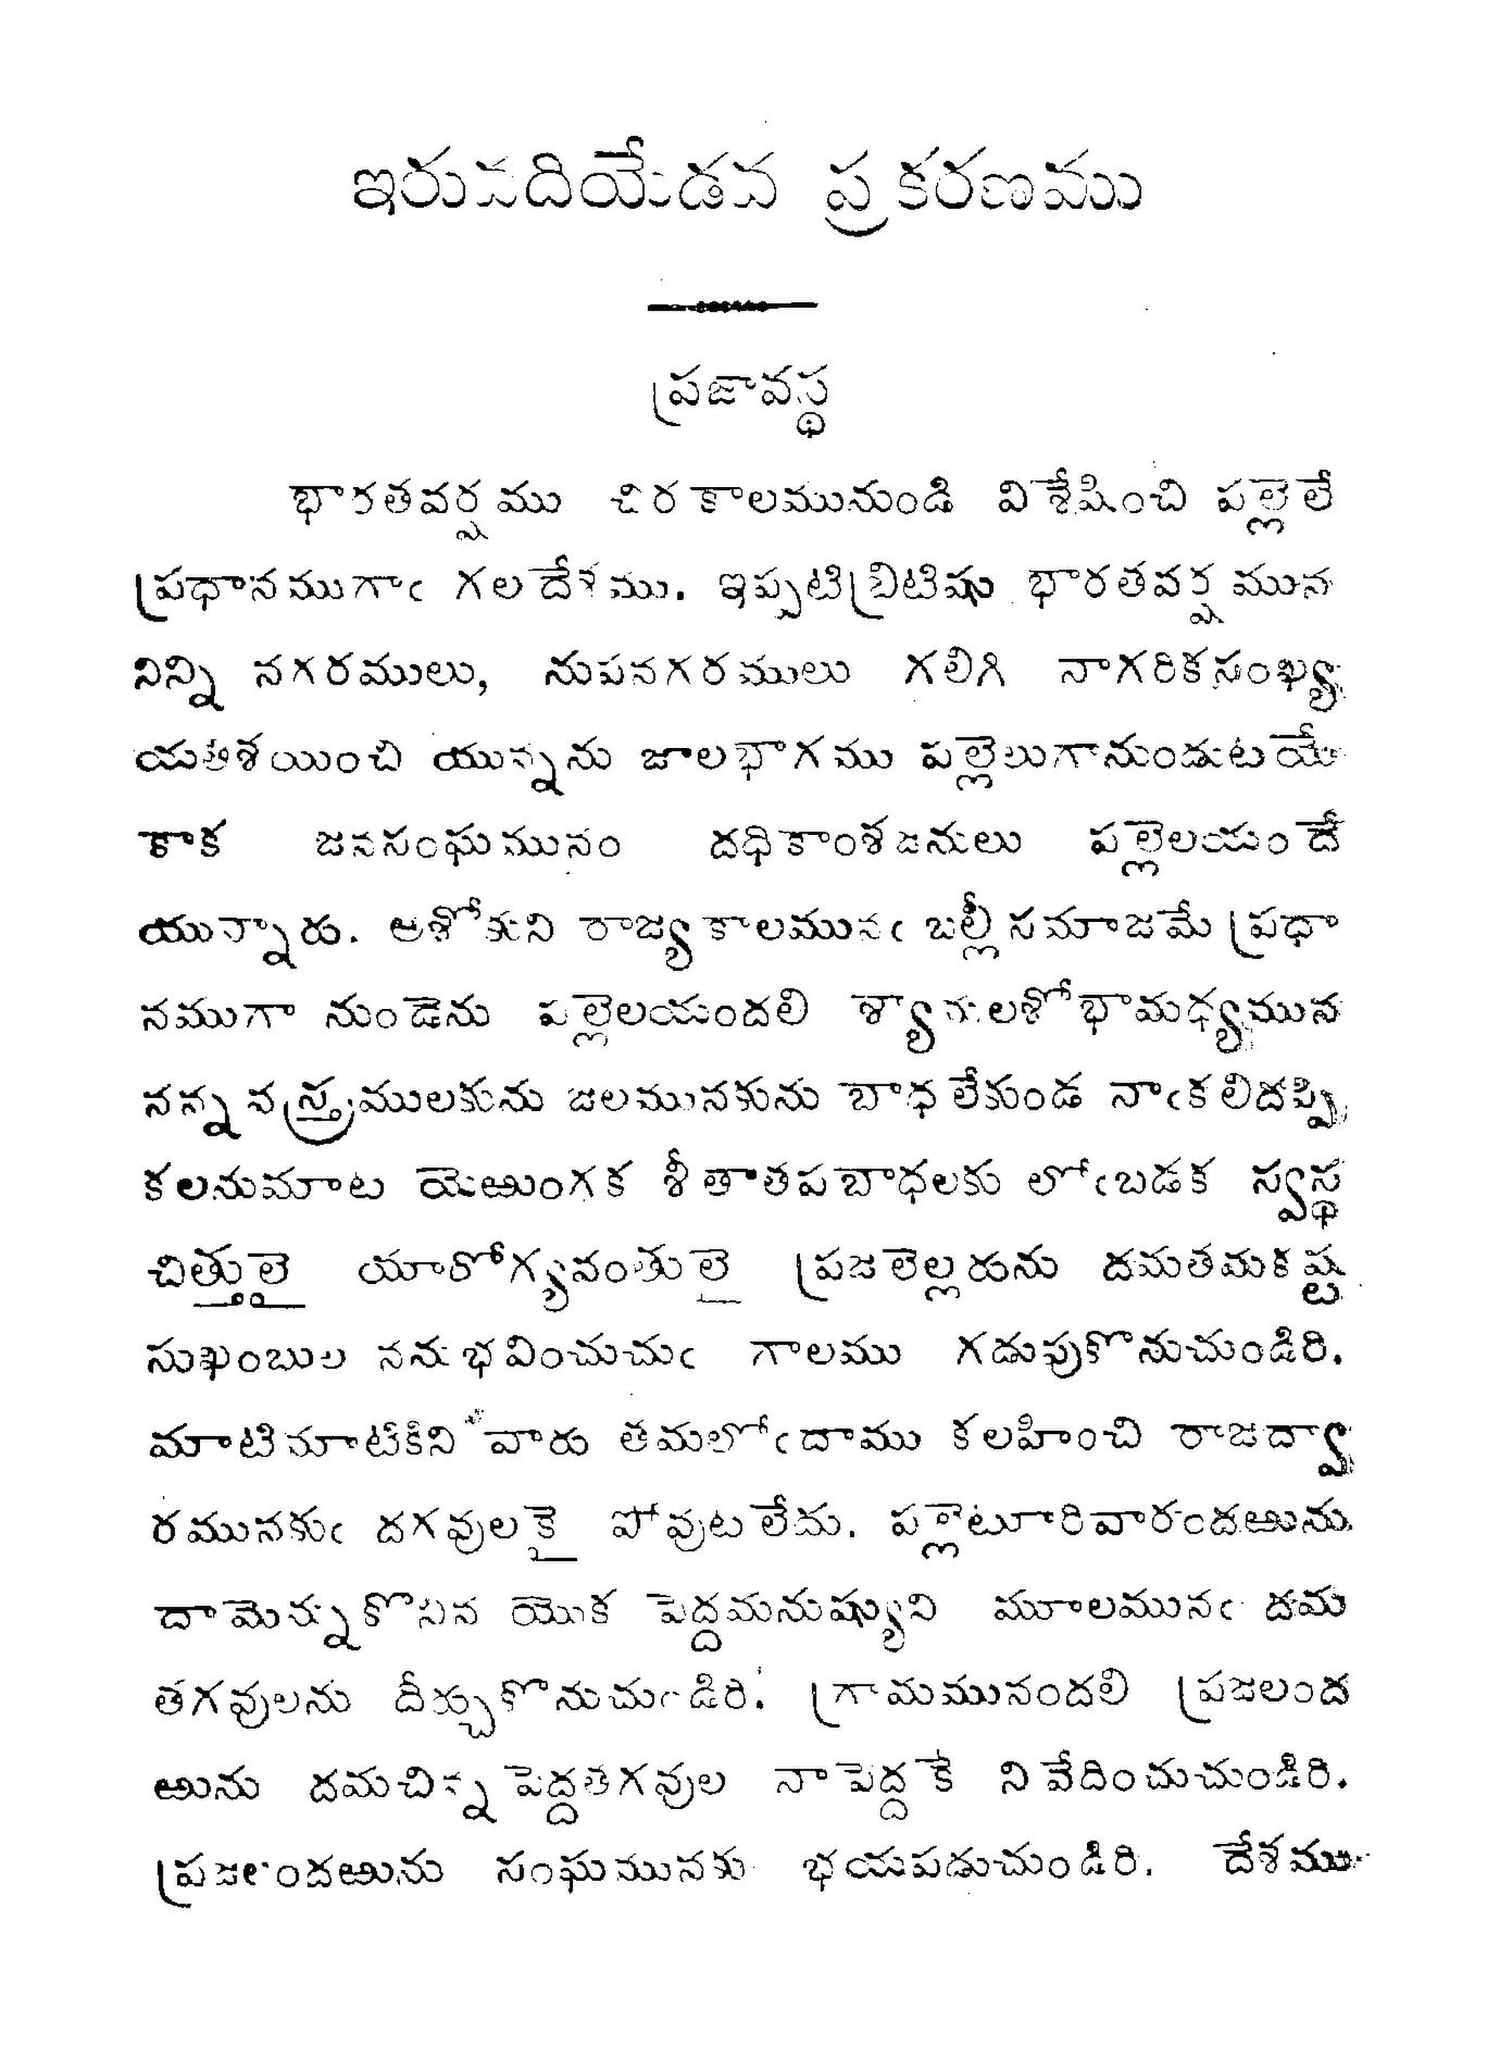భారతవర్షము చిరకాలమునుండి విశేషించి పల్లెలే ప్రధానముగాఁ గల దేశము. ఇప్పటి బ్రిటిషు భారతవర్షమున నిన్ని నగరములు, నుపనగరములు గలిగి నాగరిక సంఖ్య యతిశయించి యున్నను జాలభాగము పల్లెలుగా నుండుటయే కాక జనసంఘమునం దధికాంశజనులు పల్లెలయందే యున్నాదు. అశోకుని రాజ్య కాలమునఁ బల్లీ సమాజమే ప్రధానముగా నుండెను పల్లెలయందలి శ్యామల శోభామధ్యమున నన్న వస్త్రములకును జలమునకును బాధ లేకుండ నాఁకలిదప్పి,కలనుమాట యెఱుంగక శీతాతప బాధలకు లోఁబడక స్వస్థచిత్తులై యారోగ్యవంతులై ప్రజ లెల్లరును దమతమకష్ట సుఖంబుల నను భవించుచుఁ గాలము గడుపుకొనుచుండిరి. మాటి మాటికిని వారు తమలోఁదాము కలహించి రాజద్వారమునకుఁ దగవుల కై పోవుట లేదు. పల్లెటూరివారందఱును. దామెన్నుకోనిన యొక పెద్దమనుష్యుని మూలమునఁ దమ తగవులను దీర్చుకొనుచుఁ డిరి. గ్రామమునందలి ప్రజలందఱును దమచిన్న పెద్దతగవుల నా పెద్దకే నివేదించుచుండిరి. ప్రజలందఱును సంఘమునకు భయపడుచుండిరి. దేశము